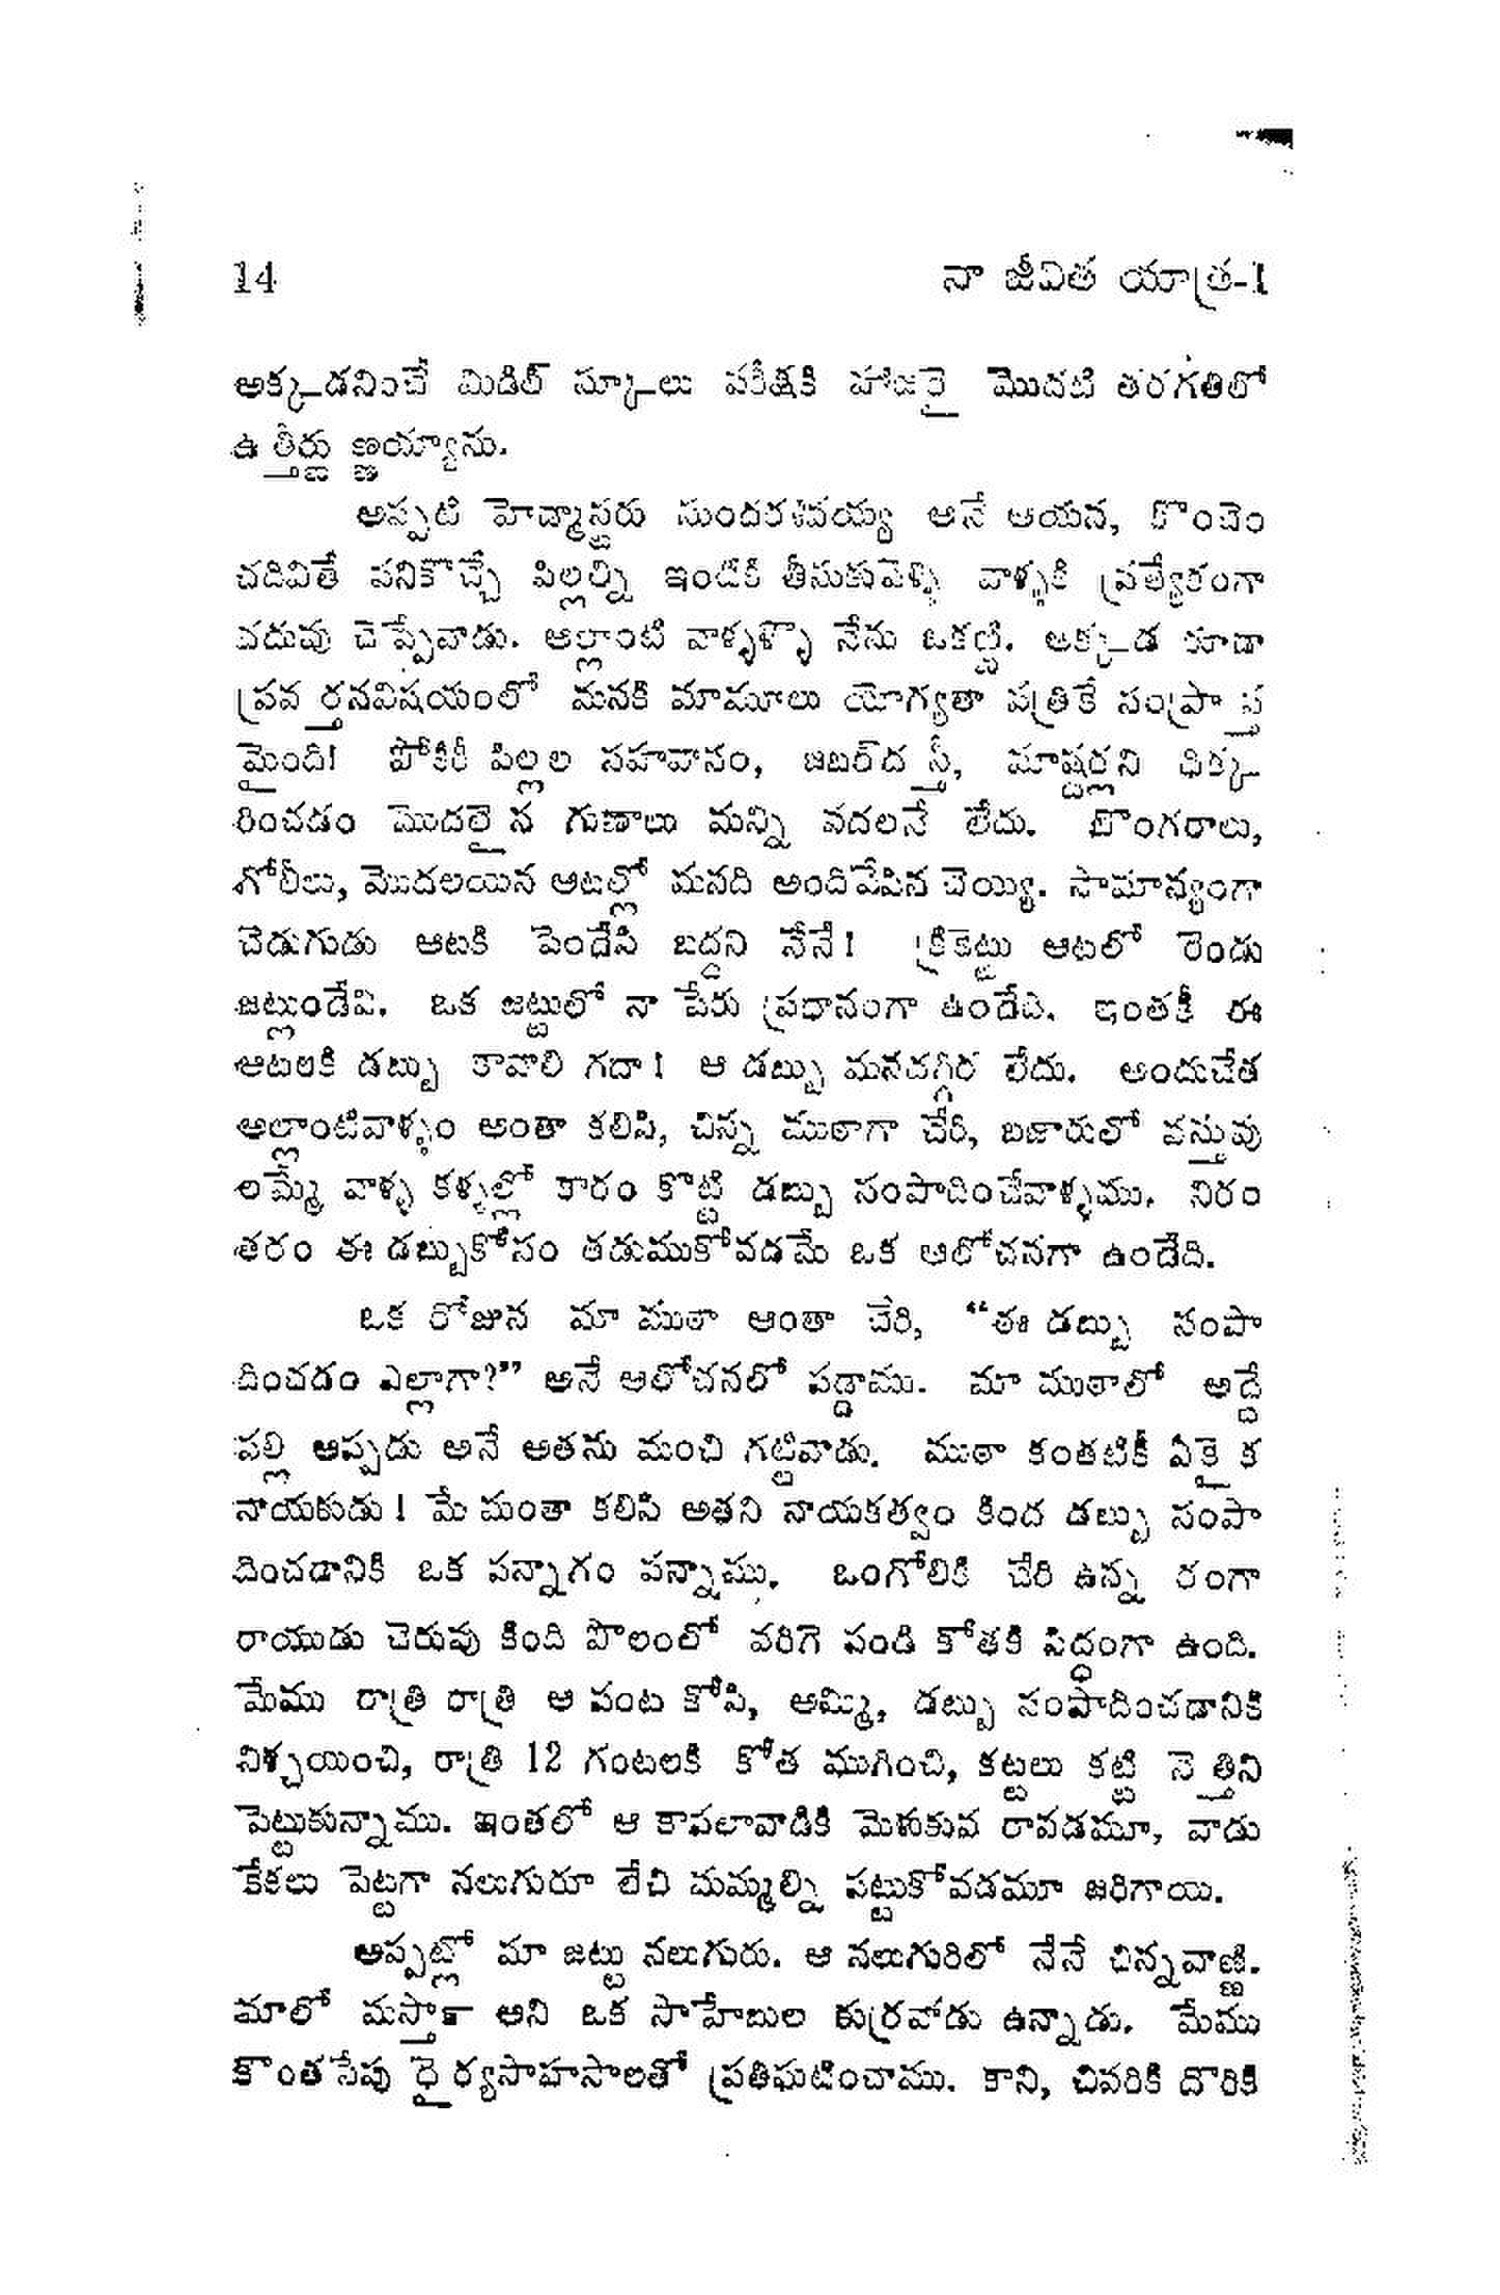అక్కడనించే మిడిల్ స్కూలు పరీక్షకి హాజరై మొదటి తరగతిలో ఉత్తీర్ణుణ్ణయ్యాను.

అప్పటి హెడ్మాస్టరు సుందరశివయ్య అనే ఆయన, కొంచెం చదివితే పనికొచ్చే పిల్లల్ని ఇంటికి తీసుకెళ్ళి వాళ్ళకి ప్రత్యేకంగా చదువు చెప్పేవాడు. అల్లాంటి వాళ్ళల్లో నేనూ ఒకణ్ణి. అక్కడ కూడా ప్రవర్తన విషయంలో మనకి మామూలు యోగ్యతా పత్రికే సంప్రాప్తమైంది! పోకిరీ పిల్లల సహవాసం, జబర్ దస్తీ, మాష్టర్లని ధిక్కరించడం మొదలైన గుణాలు మన్ని వదలనే లేదు. బొంగరాలు, గోలీలు, మొదలైన ఆటల్లో మనది అందివేసిన చెయ్యి. సామాన్యంగా చెడుగుడు ఆటకి పెండేసి బద్దని నేనే! క్రికెట్టు ఆటలో రెండు జట్లుండేవి. ఒక జట్టులో నా పేరు ప్రధానంగా ఉండేది. ఇంతకీ ఈ ఆటలకి డబ్బు కావాలి గదా! ఆ డబ్బు మన దగ్గిర లేదు. అందుచేత అల్లాంటి వాళ్ళం అంతా కలిసి, చిన్న ముఠాగా చేరి, బజారులో వస్తువులమ్మే వాళ్ళ కళ్ళలో కారం కొట్టి డబ్బు సంపాదించే వాళ్ళము. నిరంతరం ఈ డబ్బు కోసం తడుముకోవడమే ఒక ఆలోచనగా ఉండేది.

ఒక రోజున మా ముఠా అంతా చేరి, "ఈ డబ్బు సంపాదించడం ఎల్లాగా?" అనే ఆలోచనలో పడ్డాము. మా ముఠాలో అద్దేపల్లి అప్పడు అనే అతను మంచి గట్టివాడు. ముఠా కంతటికీ ఏకైక నాయకుడు! మేమంతా కలిసి అతని నాయకత్వం కింద డబ్బు సంపాదించడానికి ఒక పన్నాగం పన్నాము. ఒంగోలికి చేరి వున్న రంగారాయుడు చెరువు కింది పొలంలో వరిగె పండి కోతకి సిద్ధంగా ఉంది. మేము రాత్రి రాత్రి ఆ పంట కోసి, అమ్మి, డబ్బు సంపాదించడానికి నిశ్చయించి, రాత్రి 12 గంటలకి కోత ముగించి, కట్టలు కట్టి నెత్తిన పెట్టుకున్నాము. ఇంతలో ఆ కాపలా వాడికి మెళకువ రావడమూ, వాడు కేకలు పెట్టగా నలుగురూ లేచి మమ్మల్ని పట్టుకోవడమూ జరిగాయి.

అప్పట్లో మా జట్టు నలుగురు. ఆ నలుగురిలో నేనే చిన్నవాణ్ణి. మాలో మస్తాన్ అని ఒక సాహేబుల కుర్రవాడు ఉన్నాడు. మేము కొంతసేపు ధైర్యసాహసాలతో ప్రతిఘటించాము. కాని, చివరికి దొరికి